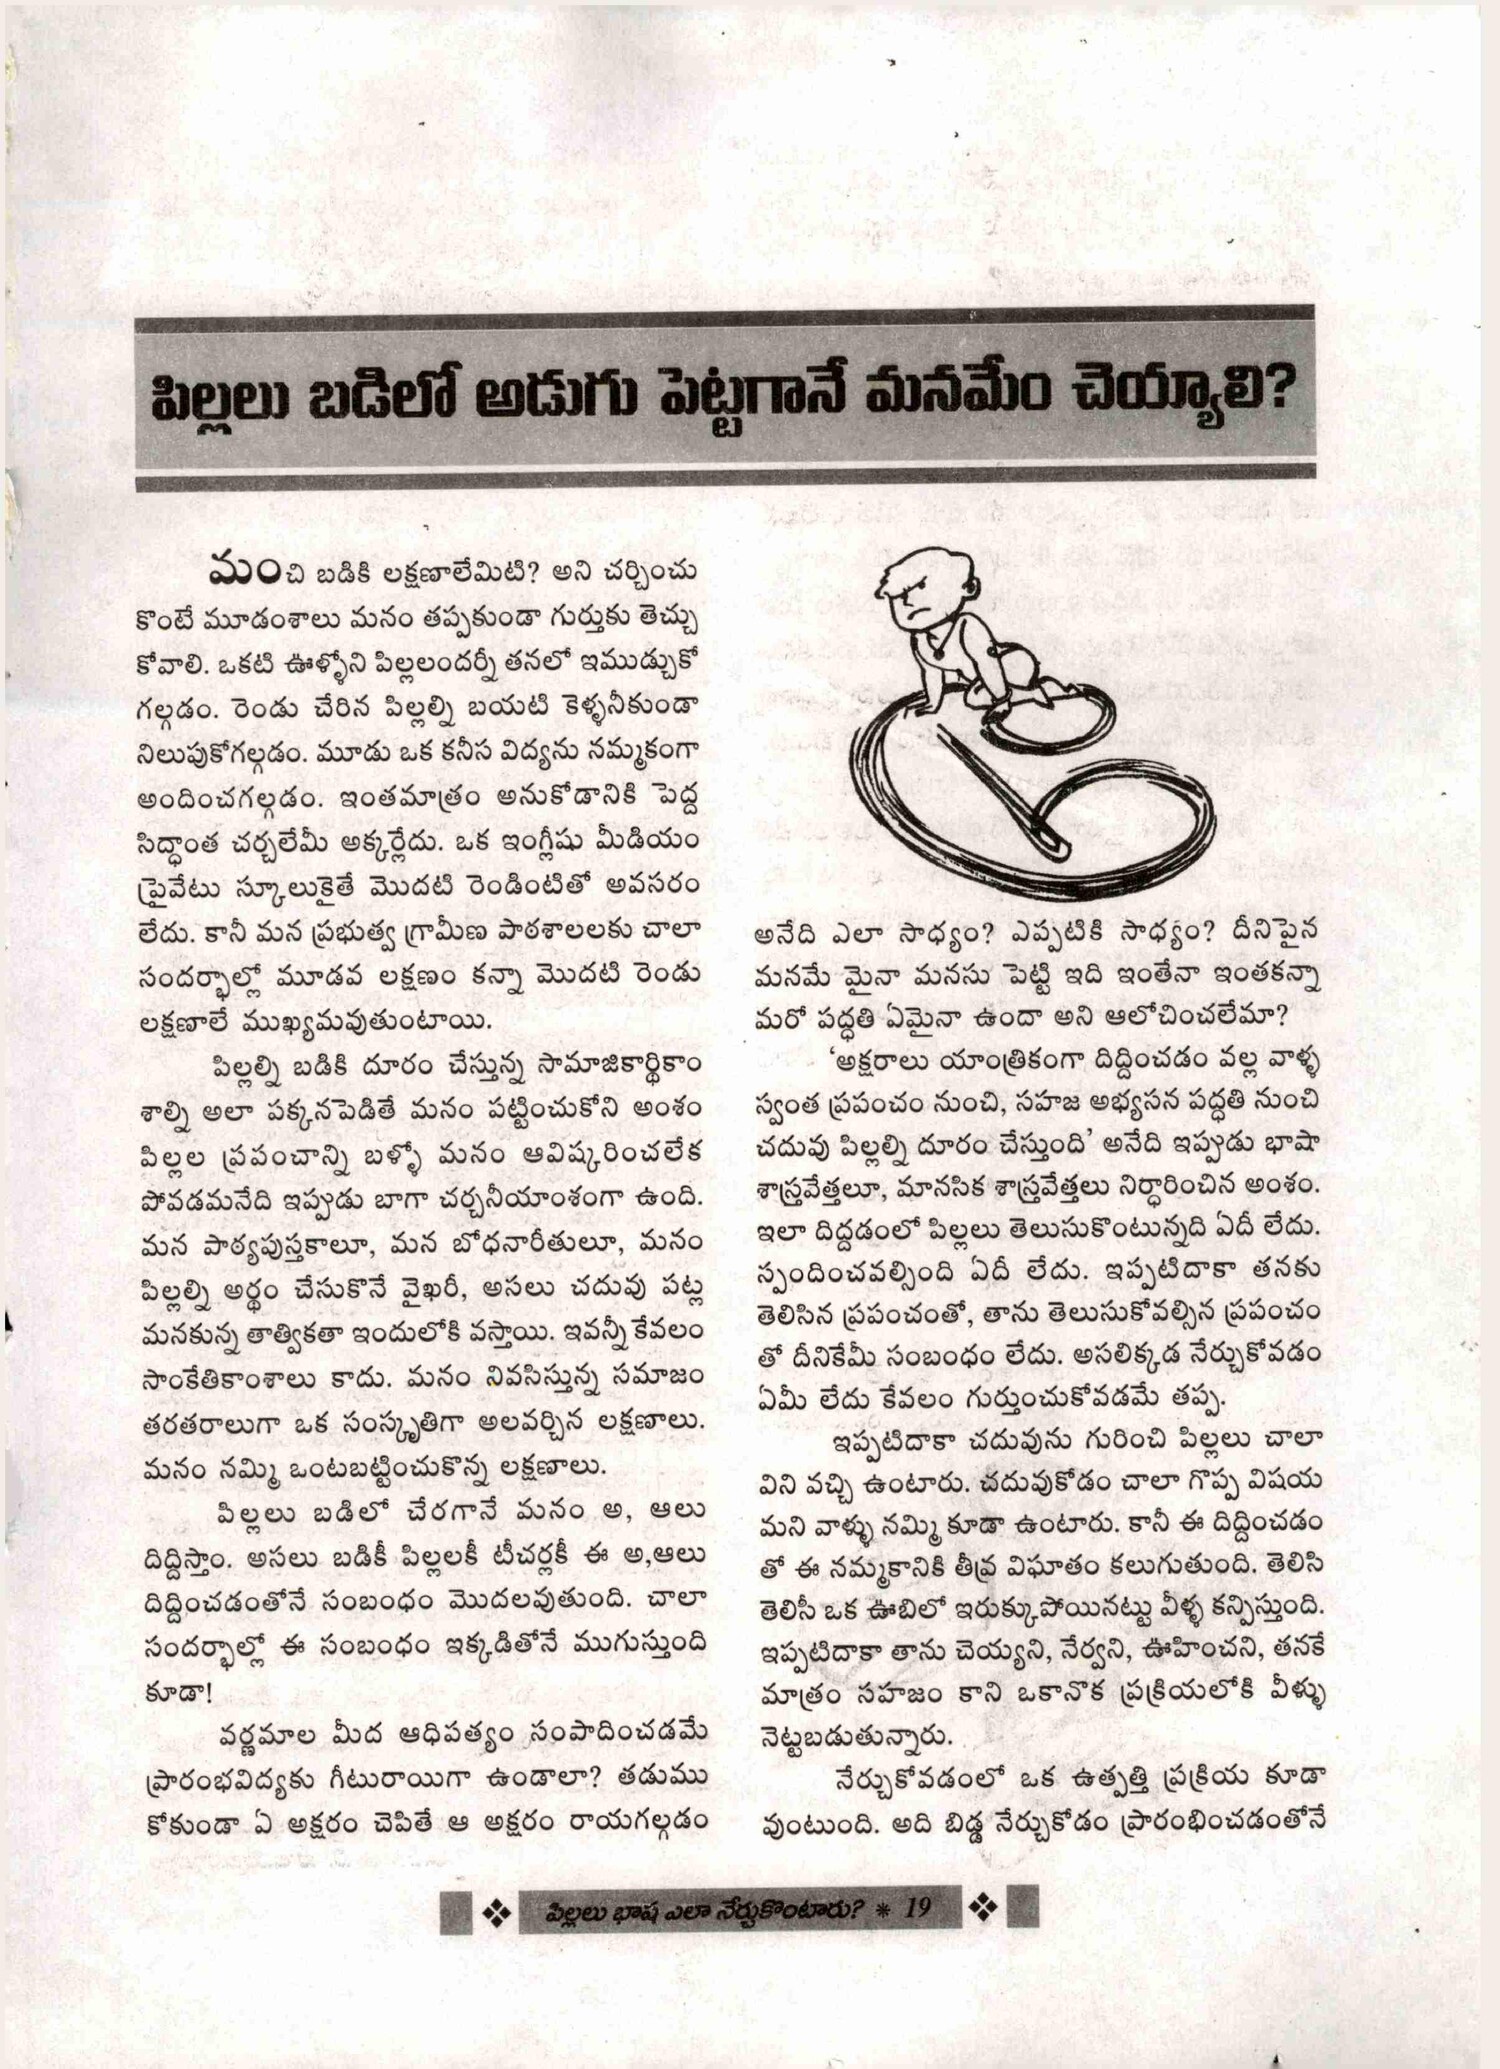పిల్లలు బడిలో అడుగు పెట్టగానే మనమేం చెయ్యాలి?

మంచి బడికి లక్షణాలేమిటి? అని చర్చించుకొంటే మూడంశాలు మనం తప్పకుండా గుర్తుకు తెచ్చుకోవాలి. ఒకటి ఊళ్ళోని పిల్లలందర్నీ తనలో ఇముడ్చుకో గల్గడం. రెండు చేరిన పిల్లల్ని బయటి కెళ్ళనీకుండా నిలుపుకోగల్గడం. మూడు ఒక కనీస విద్యను నమ్మకంగా అందించగల్గడం. ఇంతమాత్రం అనుకోడానికి పెద్ద సిద్ధాంత చర్చలేమీ అక్కర్లేదు. ఒక ఇంగ్లీషు మీడియం ప్రైవేటు స్కూలుకైతే మొదటి రెండింటితో అవసరం లేదు. కానీ మన ప్రభుత్వ గ్రామీణ పాఠశాలలకు చాలా సందర్భాల్లో మూడవ లక్షణం కన్నా మొదటి రెండు లక్షణాలే ముఖ్యమవుతుంటాయి.

పిల్లల్ని బడికి దూరం చేస్తున్న సామాజికార్థికాంశాల్ని అలా పక్కనపెడితే మనం పట్టించుకోని అంశం పిల్లల ప్రపంచాన్ని బళ్ళో మనం ఆవిష్కరించలేక పోవడమనేది ఇప్పుడు బాగా చర్చనీయాంశంగా ఉంది. మన పాఠ్యపుస్తకాలూ, మన బోధనారీతులూ, మనం పిల్లల్ని అర్థం చేసుకొనే వైఖరి, అసలు చదువు పట్ల మనకున్న తాత్వికతా ఇందులోకి వస్తాయి. ఇవన్నీ కేవలం సాంకేతికాంశాలు కాదు. మనం నివసిస్తున్న సమాజం తరతరాలుగా ఒక సంస్కృతిగా అలవర్చిన లక్షణాలు. మనం నమ్మి ఒంటబట్టించుకొన్న లక్షణాలు.

పిల్లలు బడిలో చేరగానే మనం అ, ఆలు దిద్దిస్తాం. అసలు బడికీ పిల్లలకీ టీచర్లకీ ఈ అ,ఆలు దిద్దించడంతోనే సంబంధం మొదలవుతుంది. చాలా సందర్భాల్లో ఈ సంబంధం ఇక్కడితోనే ముగుస్తుంది కూడా!

వర్ణమాల మీద ఆధిపత్యం సంపాదించడమే ప్రారంభవిద్యకు గీటురాయిగా ఉండాలా? తడుముకోకుండా ఏ అక్షరం చెపితే ఆ అక్షరం రాయగల్గడం అనేది ఎలా సాధ్యం? ఎప్పటికి సాధ్యం? దీనిపైన మనమే మైనా మనసు పెట్టి ఇది ఇంతేనా ఇంతకన్నా మరో పద్ధతి ఏమైనా ఉందా అని ఆలోచించలేమా?

'అక్షరాలు యాంత్రికంగా దిద్దించడం వల్ల వాళ్ళ స్వంత ప్రపంచం నుంచి, సహజ అభ్యసన పద్ధతి నుంచి చదువు పిల్లల్ని దూరం చేస్తుంది' అనేది ఇప్పుడు భాషా శాస్త్రవేత్తలూ, మానసిక శాస్త్రవేత్తలు నిర్ధారించిన అంశం. ఇలా దిద్దడంలో పిల్లలు తెలుసుకొంటున్నది ఏదీ లేదు. స్పందించవల్సింది ఏదీ లేదు. ఇప్పటిదాకా తనకు తెలిసిన ప్రపంచంతో, తాను తెలుసుకోవల్సిన ప్రపంచంతో దీనికేమీ సంబంధం లేదు. అసలిక్కడ నేర్చుకోవడం ఏమీ లేదు కేవలం గుర్తుంచుకోవడమే తప్ప.

ఇప్పటిదాకా చదువును గురించి పిల్లలు చాలా విని వచ్చి ఉంటారు. చదువుకోడం చాలా గొప్ప విషయమని వాళ్ళు నమ్మి కూడా ఉంటారు. కానీ ఈ దిద్దించడంతో ఈ నమ్మకానికి తీవ్ర విఘాతం కలుగుతుంది. తెలిసి తెలిసీ ఒక ఊబిలో ఇరుక్కుపోయినట్టు వీళ్ళ కన్పిస్తుంది. ఇప్పటిదాకా తాను చెయ్యని, నేర్వని, ఊహించని, తనకేమాత్రం సహజం కాని ఒకానొక ప్రక్రియలోకి వీళ్ళు నెట్టబడుతున్నారు.

నేర్చుకోవడంలో ఒక ఉత్పత్తి ప్రక్రియ కూడా వుంటుంది. అది బిడ్డ నేర్చుకోడం ప్రారంభించడంతోనే